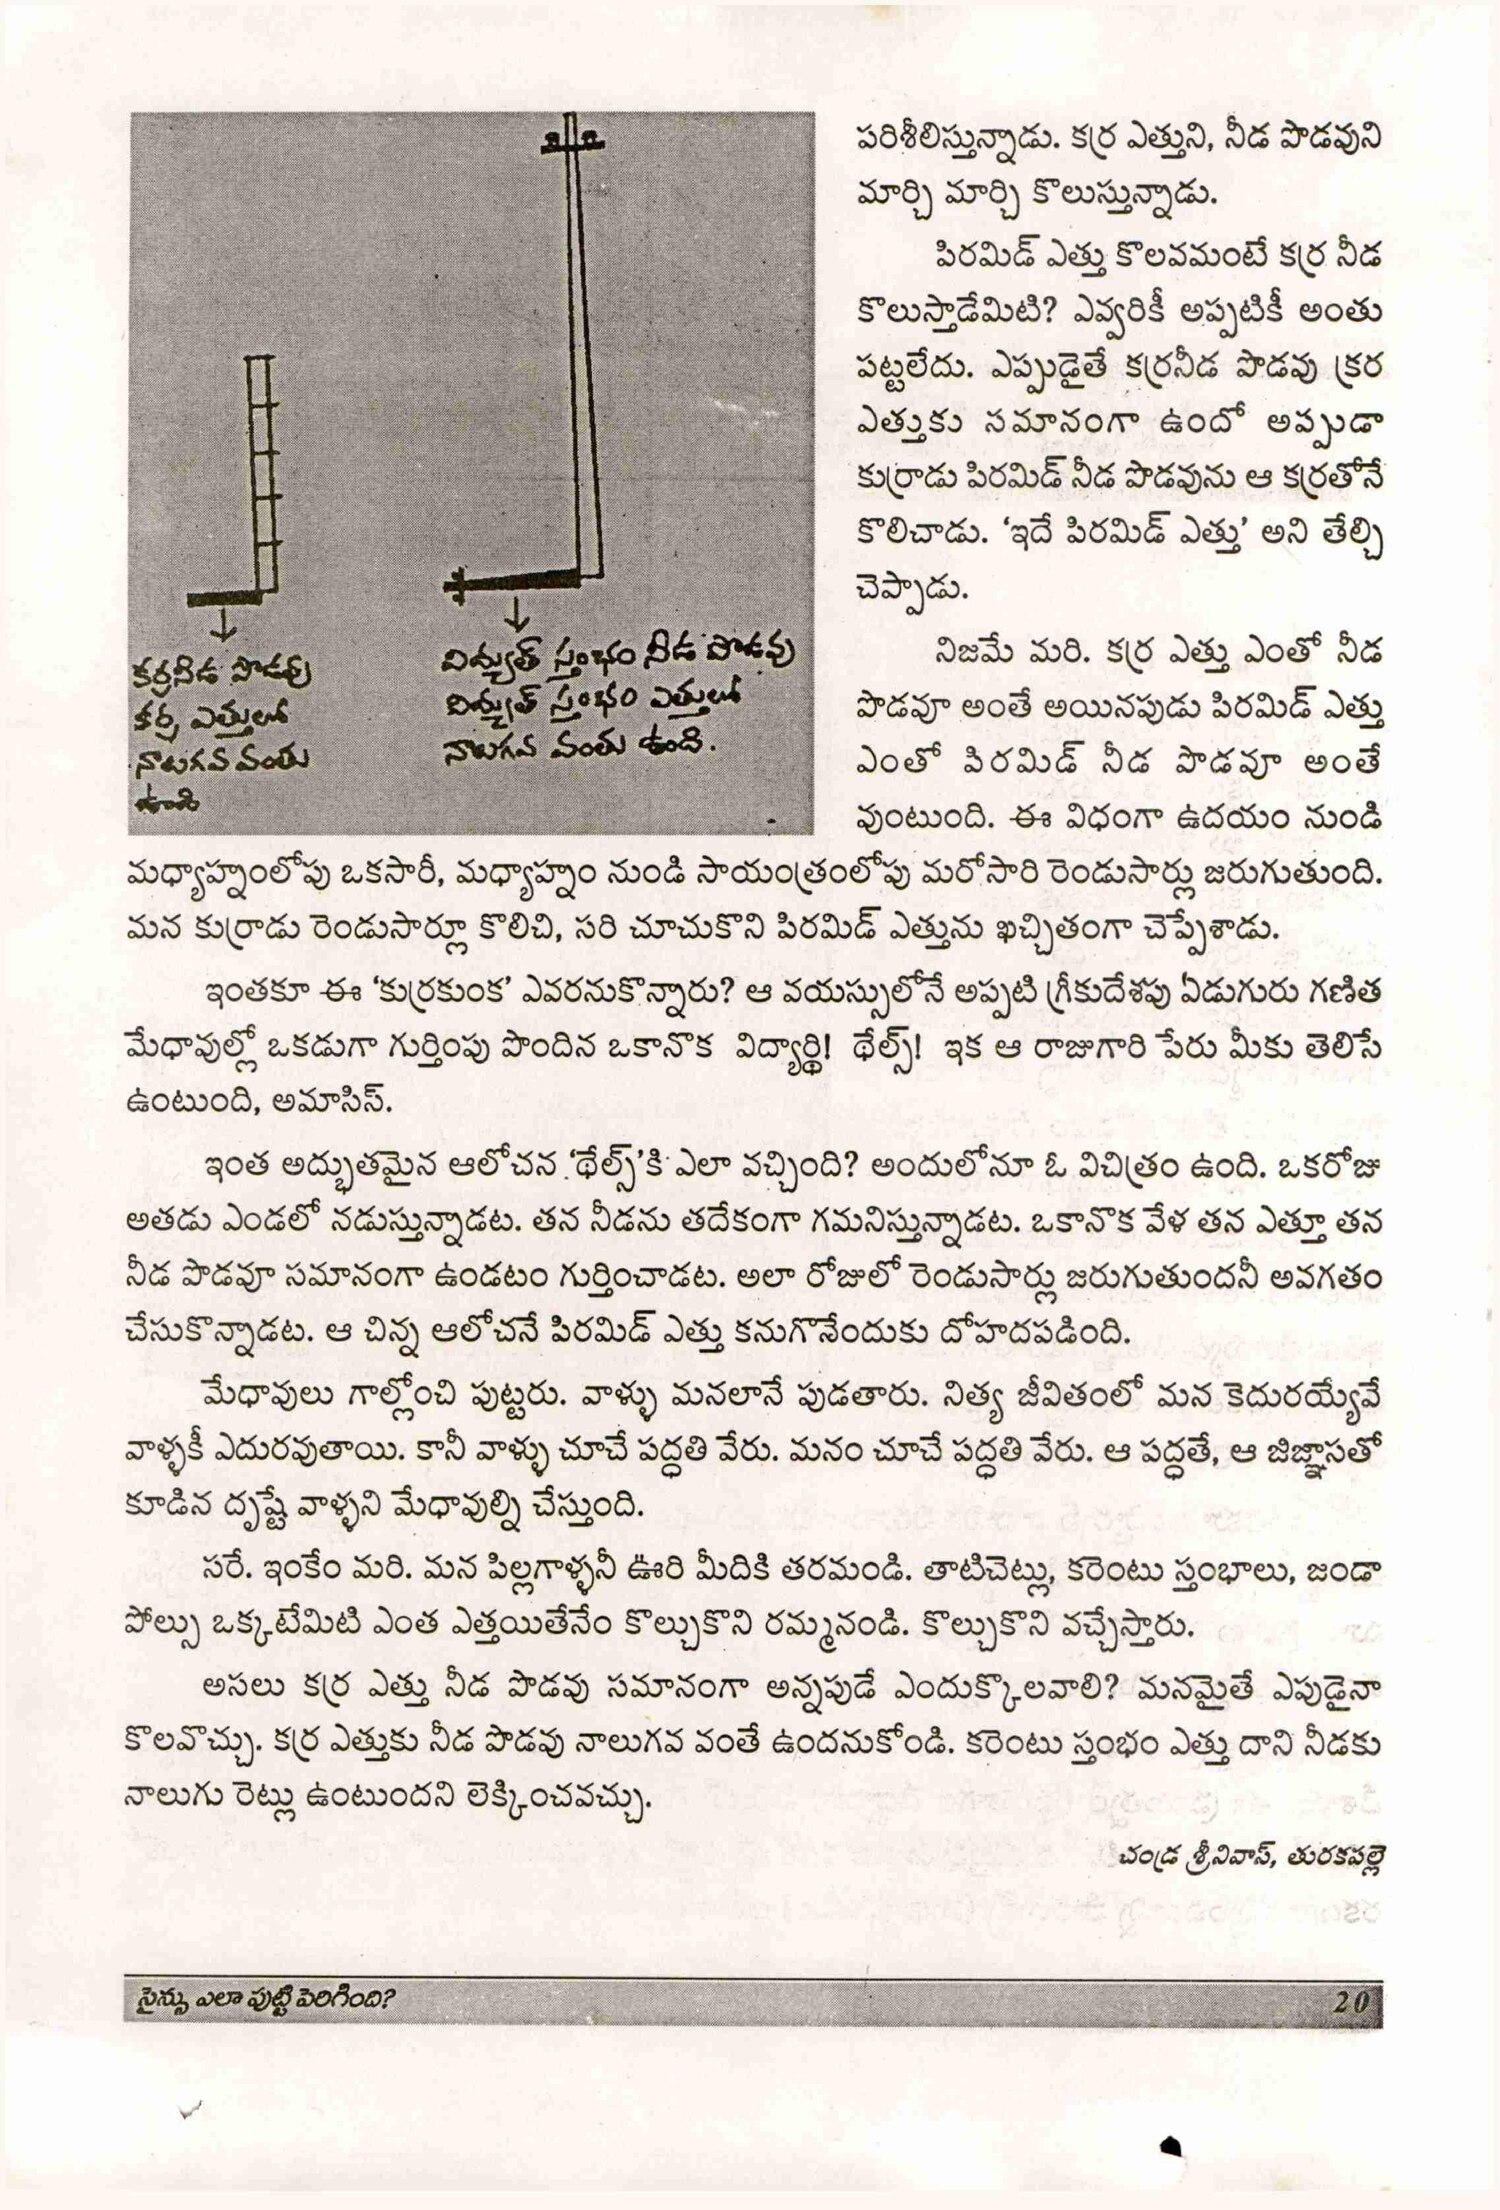పరిశీలిస్తున్నాడు. కర్ర ఎత్తుని, నీడ పొడవుని మార్చి మార్చి కొలుస్తున్నాడు.

పిరమిడ్ ఎత్తు కొలవమంటే కర్ర నీడ కొలుస్తాడేమిటి? ఎవ్వరికీ అప్పటికీ అంతు పట్టలేదు. ఎప్పుడైతే కర్రనీడ పొడవు క్రర ఎత్తుకు సమానంగా ఉందో అప్పుడా కుర్రాడు పిరమిడ్ నీడ పొడవును ఆ కర్రతోనే కొలిచాడు. 'ఇదే పిరమిడ్ ఎత్తు' అని తేల్చి చెప్పాడు.

నిజమే మరి. కర్ర ఎత్తు ఎంతో నీడ పొడవూ అంతే అయినపుడు పిరమిడ్ ఎత్తు ఎంతో పిరమిడ్ నీడ పొడవూ అంతే వుంటుంది. ఈ విధంగా ఉదయం నుండి మధ్యాహ్నంలోపు ఒకసారీ, మధ్యాహ్నం నుండి సాయంత్రంలోపు మరోసారి రెండుసార్లు జరుగుతుంది. మన కుర్రాడు రెండుసార్లూ కొలిచి, సరి చూచుకొని పిరమిడ్ ఎత్తును ఖచ్చితంగా చెప్పేశాడు.

ఇంతకూ ఈ 'కుర్రకుంక’ ఎవరనుకొన్నారు? ఆ వయస్సులోనే అప్పటి గ్రీకుదేశపు ఏడుగురు గణిత మేధావుల్లో ఒకడుగా గుర్తింపు పొందిన ఒకానొక విద్యార్థి! థేల్స్! ఇక ఆ రాజుగారి పేరు మీకు తెలిసే ఉంటుంది, అమాసిస్.

ఇంత అద్భుతమైన ఆలోచన 'థేల్స్'కి ఎలా వచ్చింది? అందులోనూ ఓ విచిత్రం ఉంది. ఒకరోజు అతడు ఎండలో నడుస్తున్నాడట. తన నీడను తదేకంగా గమనిస్తున్నాడట. ఒకానొక వేళ తన ఎత్తూ తన నీడ పొడవూ సమానంగా ఉండటం గుర్తించాడట. అలా రోజులో రెండుసార్లు జరుగుతుందనీ అవగతం చేసుకొన్నాడట. ఆ చిన్న ఆలోచనే పిరమిడ్ ఎత్తు కనుగొనేందుకు దోహదపడింది.

మేధావులు గాల్లోంచి పుట్టరు. వాళ్ళు మనలానే పుడతారు. నిత్య జీవితంలో మన కెదురయ్యేవే వాళ్ళకీ ఎదురవుతాయి. కానీ వాళ్ళు చూచే పద్ధతి వేరు. మనం చూచే పద్ధతి వేరు. ఆ పద్ధతే, ఆ జిజ్ఞాసతో కూడిన దృష్టే వాళ్ళని మేధావుల్ని చేస్తుంది.

సరే. ఇంకేం మరి. మన పిల్లగాళ్ళనీ ఊరి మీదికి తరమండి. తాటిచెట్లు, కరెంటు స్తంభాలు, జండా పోల్సు ఒక్కటేమిటి ఎంత ఎత్తయితేనేం కొల్చుకొని రమ్మనండి. కొల్చుకొని వచ్చేస్తారు.

అసలు కర్ర ఎత్తు నీడ పొడవు సమానంగా ఉన్నపుడే ఎందుక్కొలవాలి? మనమైతే ఎపుడైనా కొలవొచ్చు. కర్ర ఎత్తుకు నీడ పొడవు నాలుగవ వంతే ఉందనుకోండి. కరెంటు స్తంభం ఎత్తు దాని నీడకు నాలుగు రెట్లు ఉంటుందని లెక్కించవచ్చు.